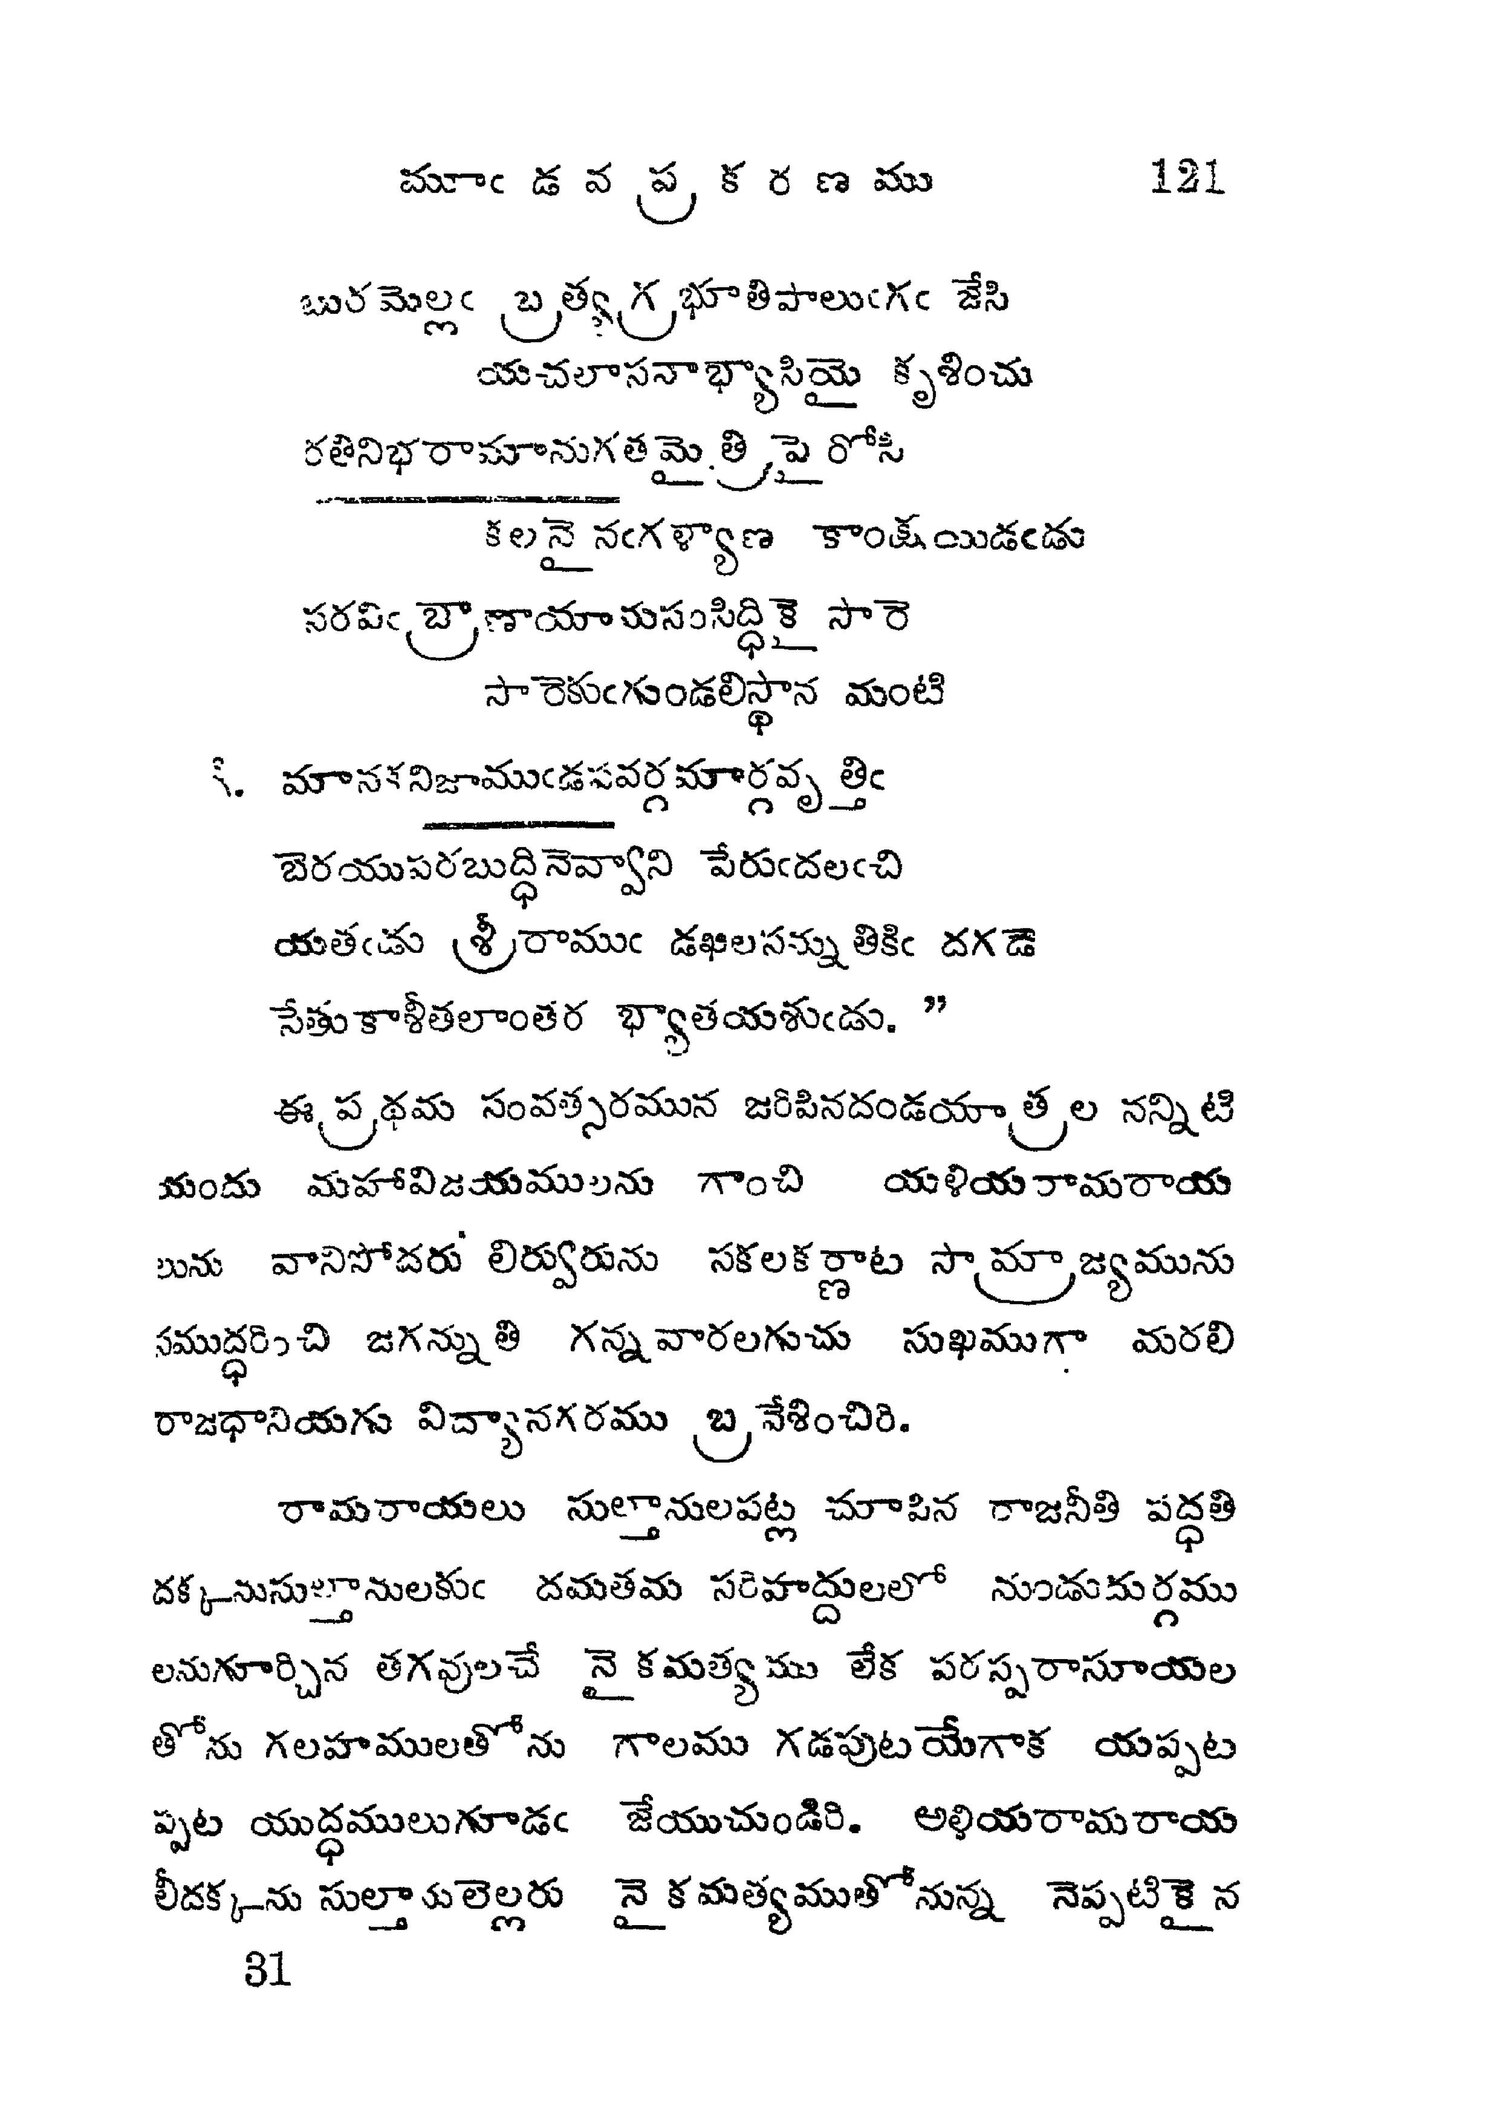బురమెల్ల బ్రత్యగ్రభూతిపాలుగ జేసి
 యచలాసనాభ్యాసియై కృశించు
 రతినిభరామానుగతమైత్రిపైరోసి
 కలనైన గళ్యాణ కాంక్షయిడడు
 నరవి బ్రాణాయామసంసిద్ధికై సారె
 సారెకు గుండలిస్థాన మంటి

 గీ. మానకనిజాముడపవర్గమార్గవృత్తి
 బెరయుపరబుద్ధినెవ్వాని పేరుదలచి
 యతడు శ్రీరాము డఖిలసన్నుతికి దగడె
 సేతు కాశీతలాంతర భ్యాతయశుడు."

ఈప్రథమ సంవత్సరమున జరిపినదండయాత్రల నన్నిటి యందు మహావిజయములను గాంచి యళియరామరాయలును వానిసోదరు లిర్వురును సకలకర్ణాట సామ్రాజ్యమును సముద్ధరించి జగన్నుతి గన్నవారలగుచు సుఖముగా మరలి రాజధానియగు విద్యానగరము బ్రవేశించిరి.

రామరాయలు సుల్తానులపట్ల చూపిన రాజనీతి పద్ధతి దక్కనుసుల్తానులకు దమతమ సరిహద్దులలో నుండుదుర్గములనుగూర్చిన తగవులచే నైకమత్యము లేక పరస్పరాసూయలతోను గలహములతోను గాలము గడపుటయేగాక యప్పటప్పట యుద్ధములుగూడ జేయుచుండిరి. అళియరామరాయ లీదక్కను సుల్తానులెల్లరు నైకమత్యముతోనున్న నెప్పటికైన